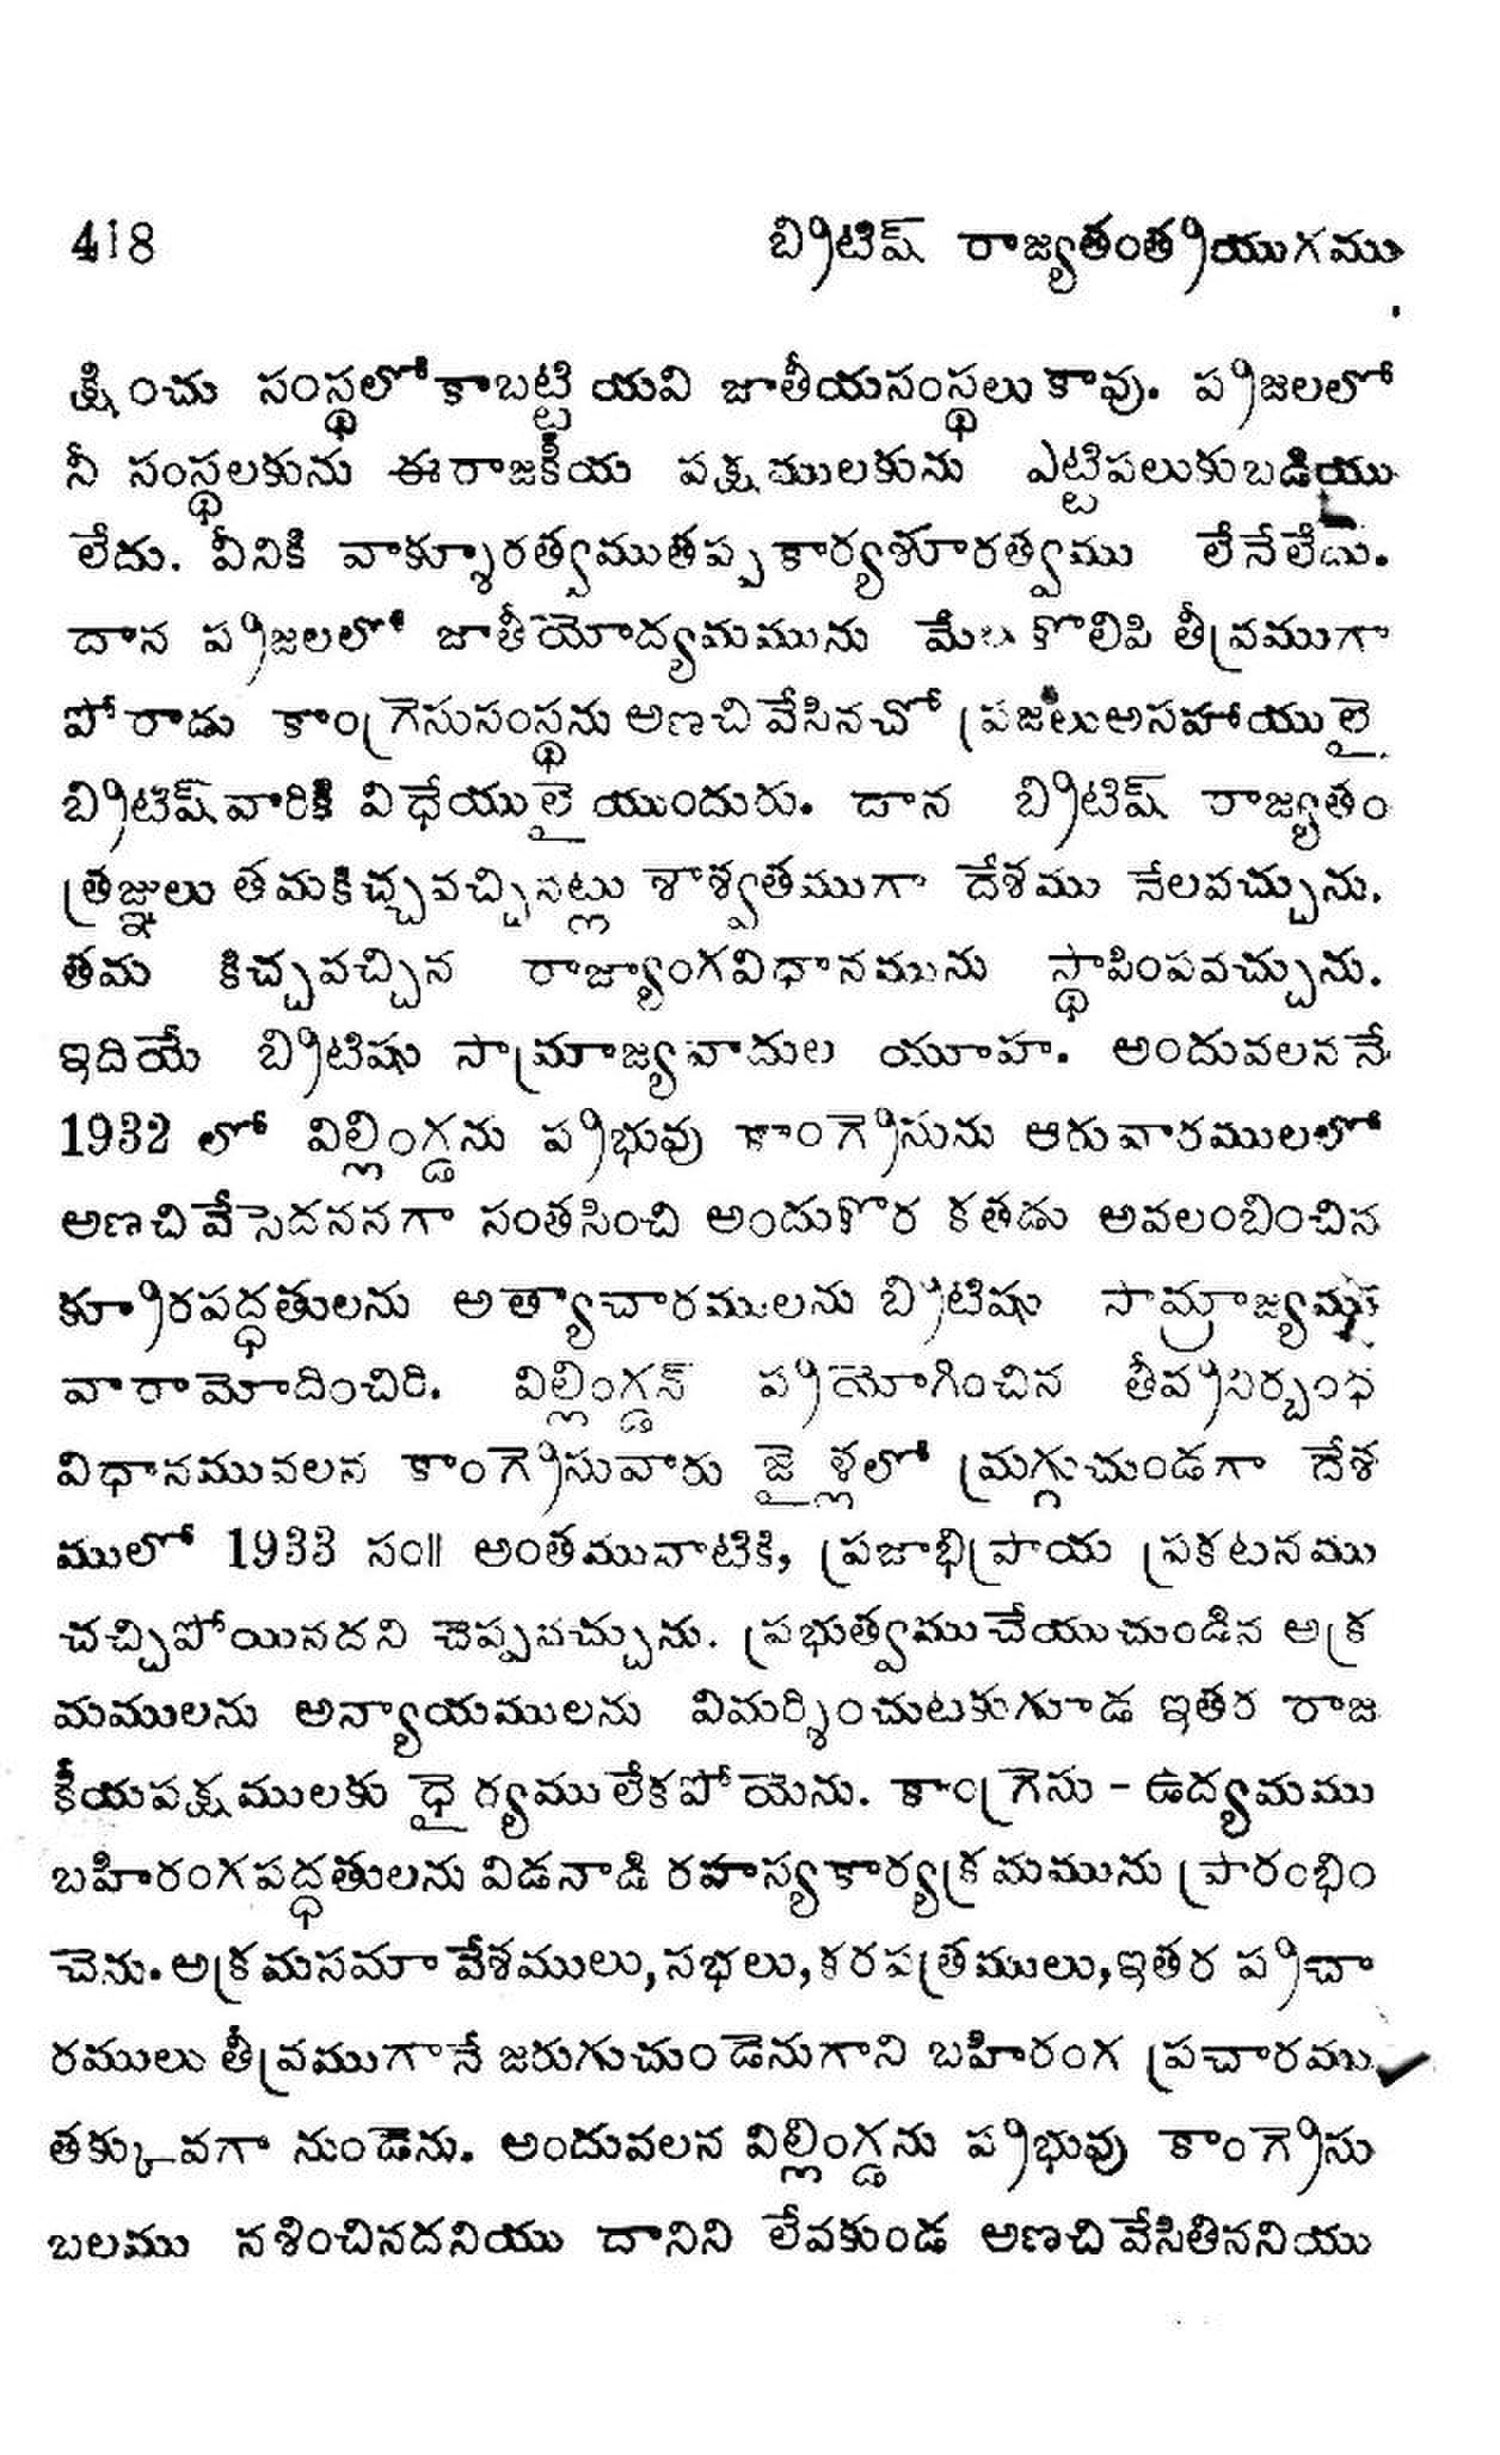క్షించు సంస్థలో కాబట్టి యవి జాతీయసంస్థలుకావు. ప్రజలలో నీ సంస్థలకును ఈరాజకీయ పక్షములకును ఎట్టిపలుకుబడియు లేదు. వీనికి వాక్శూరత్వముతప్ప కార్యశూరత్వము లేనేలేదు. దాన ప్రజలలో జాతీయోద్యమమును మేలుకొలిపి తీవ్రముగా పోరాడు కాంగ్రెసుసంస్థను అణచివేసినచో ప్రజలు అసహాయులై బ్రిటిష్‌వారికి విధేయులై యుందురు. దాన బ్రిటిష్ రాజ్యతంత్రజ్ఞులు తమకిచ్చవచ్చినట్లు శాశ్వతముగా దేశము నేలవచ్చును. తమ కిచ్చవచ్చిన రాజ్యాంగవిధానమును స్థాపింపవచ్చును. ఇదియే బ్రిటిషు సామ్రాజ్యవాదుల యూహ. అందువలననే 1932 లో విల్లింగ్డను ప్రభువు కాంగ్రెసును ఆరు వారములలో అణచివేసెదననగా సంతసించి అందుకొర కతడు అవలంబించిన క్రూరపద్ధతులను అత్యాచారములను బ్రిటిషు సామ్రాజ్యము వారామోదించిరి. విల్లింగ్డన్ ప్రయోగించిన తీవ్రనిర్బంధ విధానమువలన కాంగ్రెసువారు జైళ్లలో మ్రగ్గుచుండగా దేశములో 1933 సం|| అంతమునాటికి, ప్రజాభిప్రాయ ప్రకటనము చచ్చిపోయినదని చెప్పవచ్చును. ప్రభుత్వముచేయుచుండిన అక్రమములను అన్యాయములను విమర్శించుటకుగూడ ఇతర రాజకీయపక్షములకు ధైర్యము లేకపోయెను. కాంగ్రెసు - ఉద్యమము బహిరంగపద్ధతులను విడనాడి రహస్య కార్యక్రమమును ప్రారంభించెను. అక్రమసమావేశములు, సభలు, కరపత్రములు, ఇతర ప్రచారములు తీవ్రముగానే జరుగుచుండెనుగాని బహిరంగ ప్రచారములో తక్కువగా నుండెను. అందువలన విల్లింగ్డను ప్రభువు కాంగ్రెసు బలము నశించినదనియు దానిని లేవకుండ అణచి వేసితిననియు